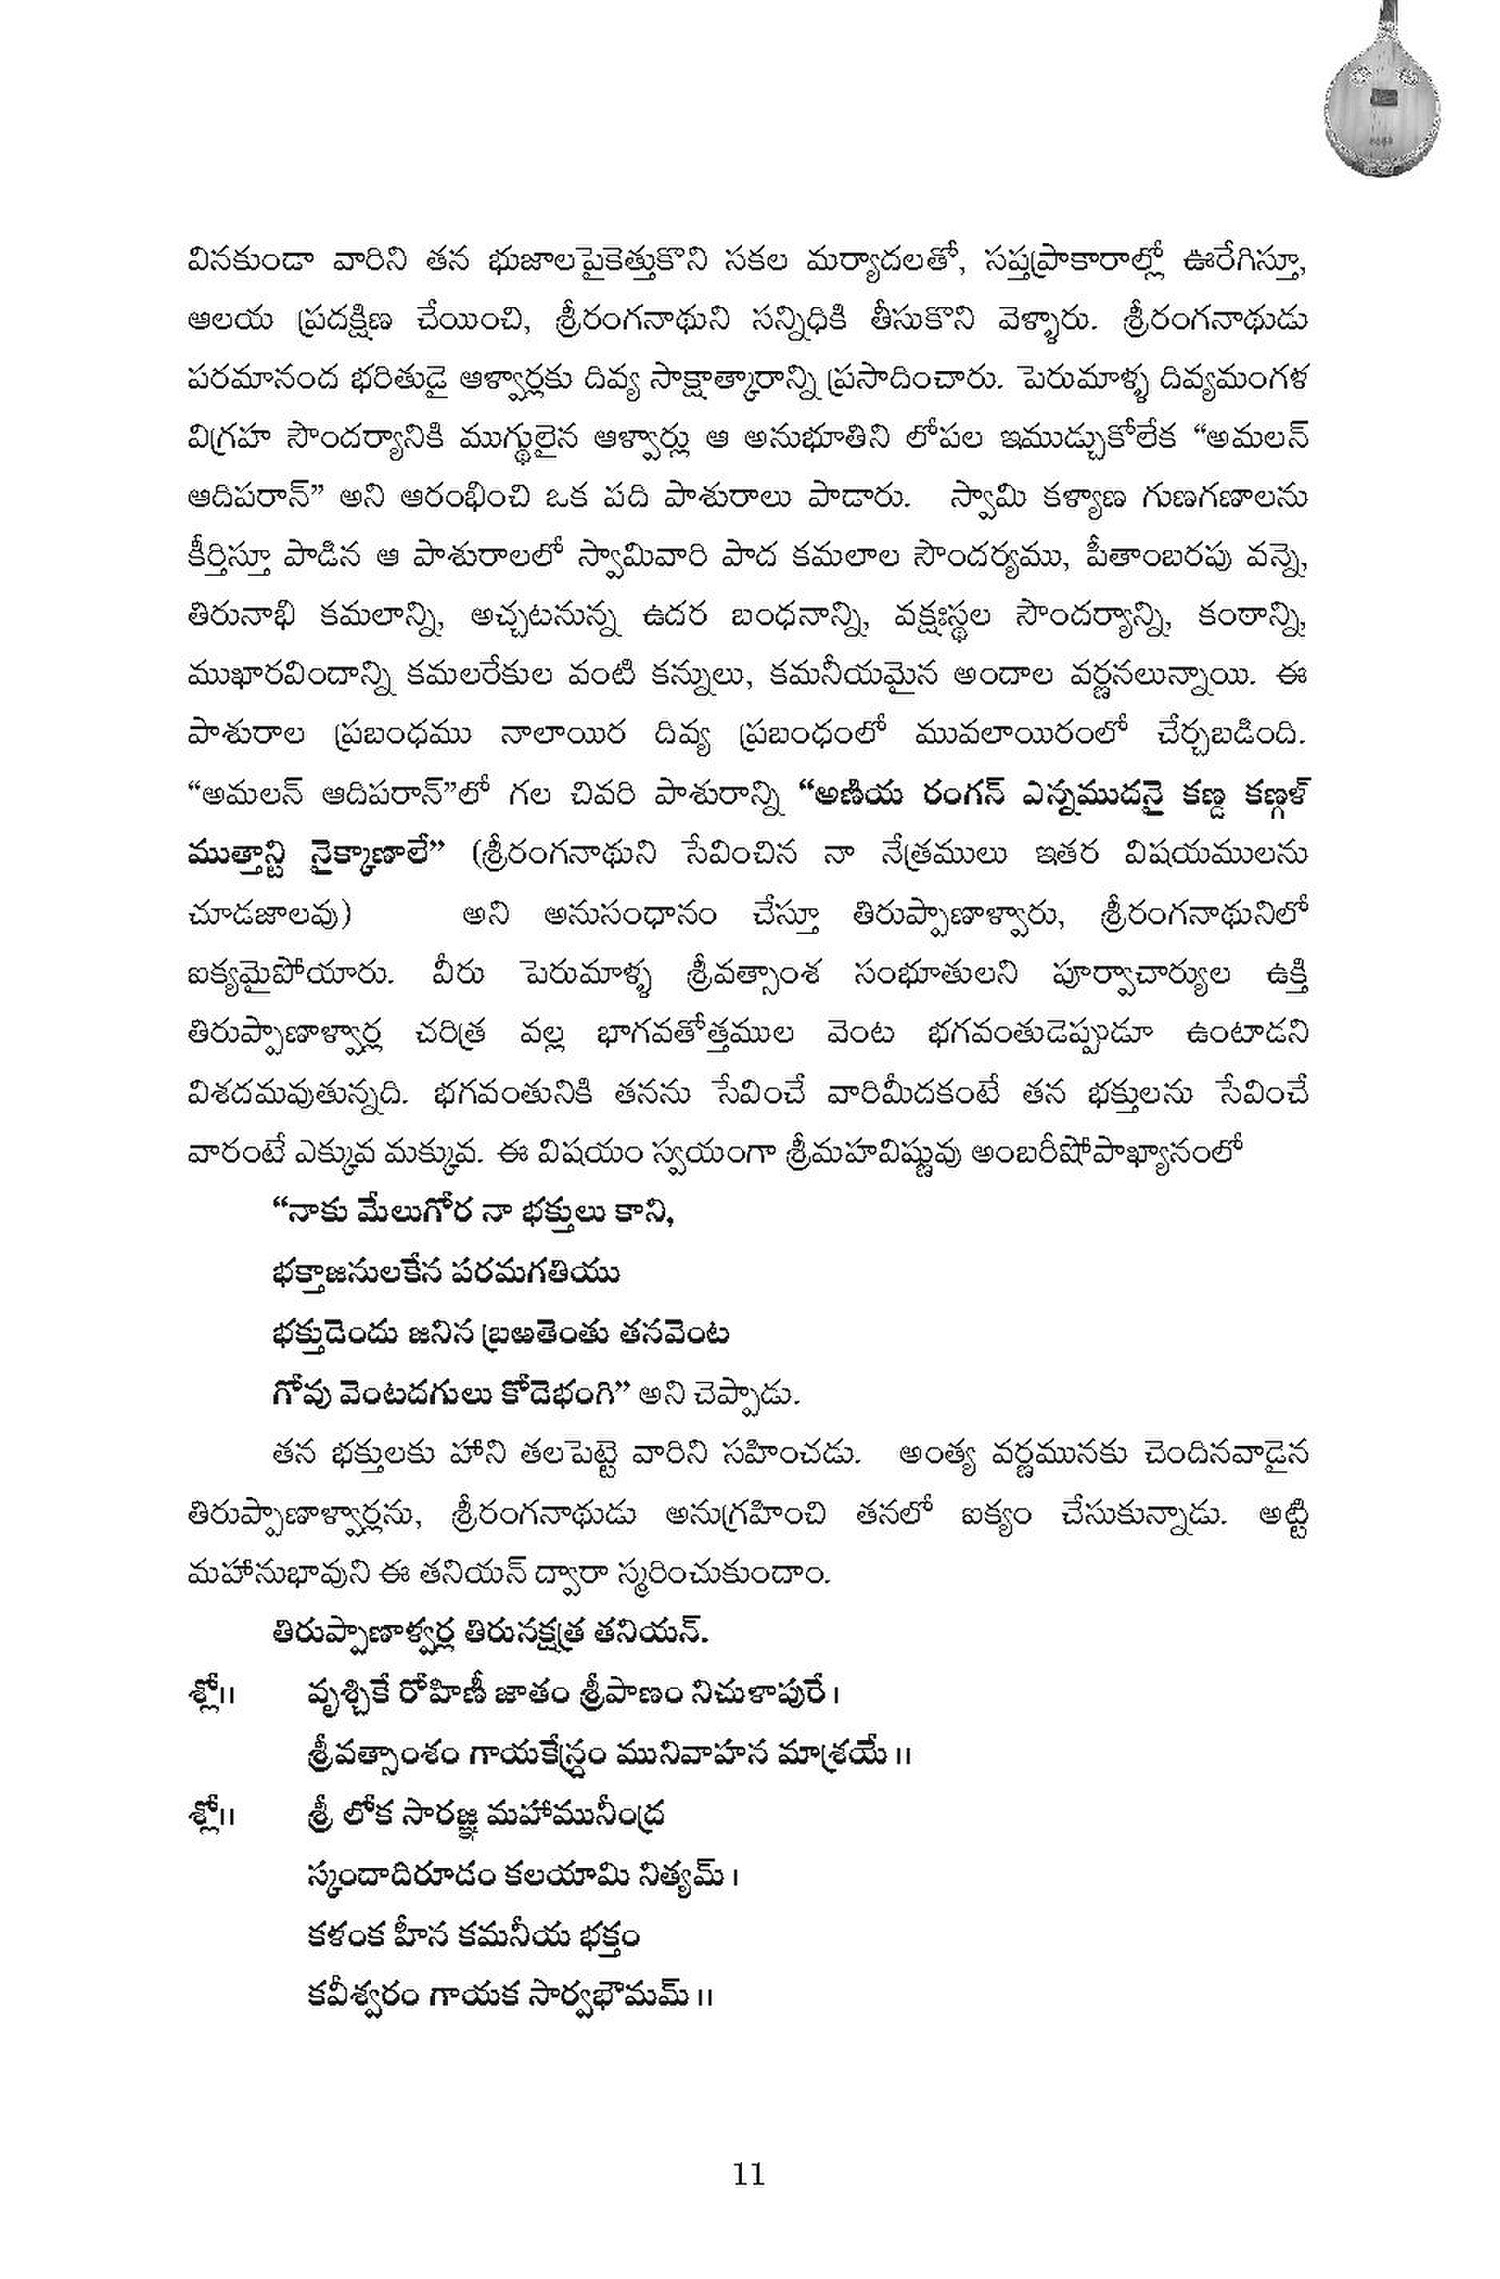వినకుండా వారిని తన భుజాలపైకెత్తుకొని సకల మర్యాదలతో, సప్తప్రాకారాల్లో ఊరేగిస్తూ, ఆలయ ప్రదక్షిణ చేయించి, శ్రీరంగనాథుని సన్నిధికి తీసుకొని వెళ్ళారు. శ్రీరంగనాథుడు పరమానంద భరితుడై ఆళ్వార్లకు దివ్య సాక్షాత్కారాన్ని ప్రసాదించారు. పెరుమాళ్ళ దివ్యమంగళ విగ్రహ సౌందర్యానికి ముగ్ధులైన ఆళ్వార్లు ఆ అనుభూతిని లోపల ఇముడ్చుకోలేక “అమలన్ ఆదిపరాన్" అని ఆరంభించి ఒక పది పాశురాలు పాడారు. స్వామి కళ్యాణ గుణగణాలను కీర్తిస్తూ పాడిన ఆ పాశురాలలో స్వామివారి పాద కమలాల సౌందర్యము, పీతాంబరపు వన్నె, తిరునాభి కమలాన్ని, అచ్చటనున్న ఉదర బంధనాన్ని, వక్షఃస్థల సౌందర్యాన్ని, కంఠాన్ని, ముఖారవిందాన్ని కమలరేకుల వంటి కన్నులు, కమనీయమైన అందాల వర్ణనలున్నాయి. ఈ పాశురాల ప్రబంధము నాలాయిర దివ్య ప్రబంధంలో మువలాయిరంలో చేర్చబడింది. “అమలన్ ఆదిపరాన్”లో గల చివరి పాశురాన్ని “అణియ రంగన్ ఎన్నముదనై కణ్ణ కణ్ణళ్ ముత్తాన్టి నైక్కాణాలే” (శ్రీరంగనాథుని సేవించిన నా నేత్రములు ఇతర విషయములను చూడజాలవు) అని అనుసంధానం చేస్తూ తిరుప్పాణాళ్వారు, శ్రీరంగనాథు నిలో ఐక్యమైపోయారు. వీరు పెరుమాళ్ళ శ్రీవత్సాంశ సంభూతులని పూర్వా చార్యుల ఉక్తి తిరుప్పాణాళ్వార్ల చరిత్ర వల్ల భాగవతోత్తములు వెంట భగవంతుడెప్పుడూ ఉంటాడని విశదమవుతున్నది. భగవంతునికి తనను సేవించే వారిమీదకంటే తన భక్తులను సేవించే వారంటే ఎక్కువ మక్కువ. ఈ విషయం స్వయంగా శ్రీమహవిష్ణువు అంబరీషోపాఖ్యానంలో

“నాకు మేలుగోర నా భక్తులు కాని,
భక్తాజనులకేన పరమగతియు
భక్తుడెందు జనీన బ్రఱతెంతు తనవెంట
గోవు వెంటదగులు కోడెభంగి” అని చెప్పాడు.

తన భక్తులకు హాని తలపెట్టె వారిని సహించడు. అంత్య వర్ణమునకు చెందినవాడైన తిరుప్పాణాళ్వార్లను, శ్రీరంగనాథుడు అనుగ్రహించి తనలో ఐక్యం చేసుకున్నాడు. అట్టి మహానుభావుని ఈ తనియన్ ద్వారా స్మరించుకుందాం.

తిరుప్పాణాళ్వర్ల తిరునక్షత్ర తనియన్.

శ్లొ౹౹ వృశ్చికే రోహిణీ జాతం శ్రీపాణం నిచుళాపురే ౹
శ్రీవత్సాంశం గాయకేన్దం మునివాహన మాశ్రయే ౹౹

శ్లొ౹౹ శ్రీ లోక సారజ్ఞ మహామునీంద్ర
స్కందాదిరూడం కలయామి నిత్యమ్ ౹
కళంక హీన కమనీయ భక్తం
కవీశ్వరం గాయక సార్వభౌమమ్ ।।